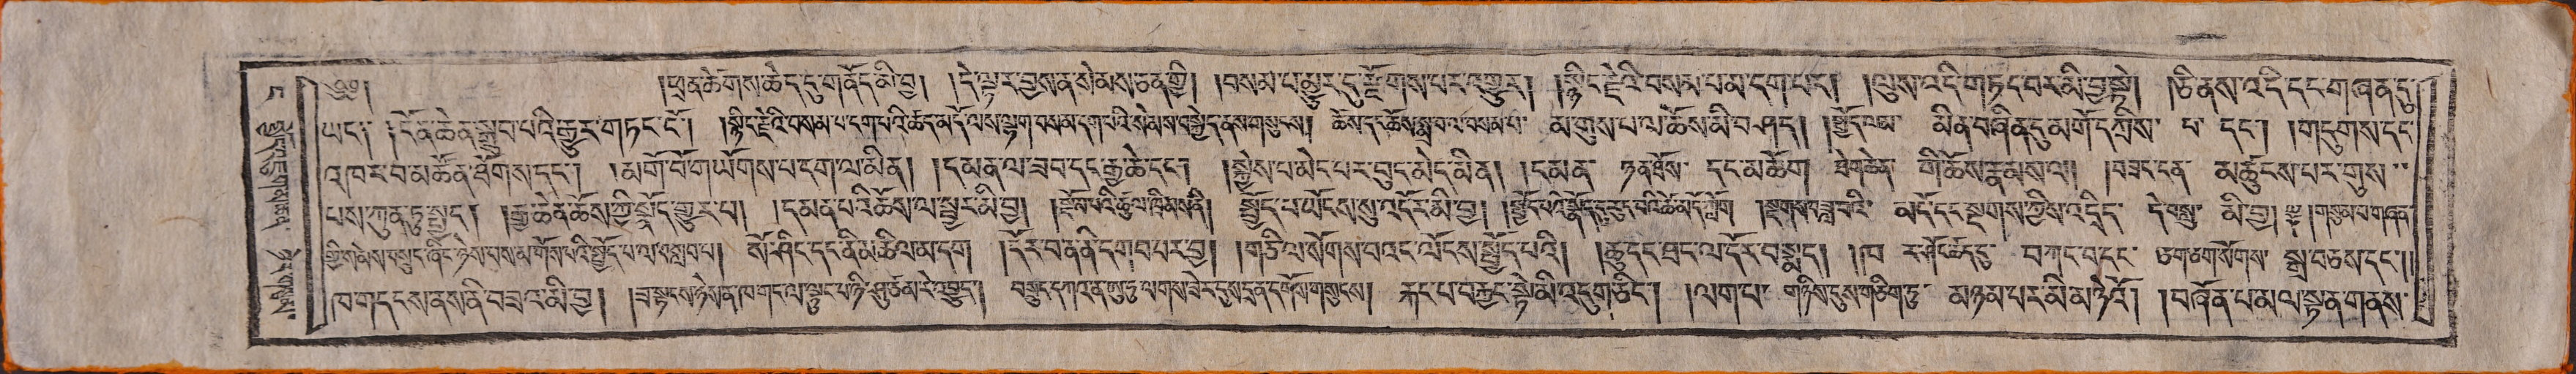༄༅། །ཕྲན་ཚོགས་ཆེད་དུ་གནོད་མི་བྱ། །དེ་ལྟར་བྱས་ན་སེམས་ཅན་གྱི། །བསམ་པ་མྱུར་དུ་རྫོགས་པར་འགྱུར། །སྙིང་རྗེའི་བསམ་པ་མ་དག་པར། །ལུས་འདི་གཏང་བར་མི་བྱ་སྟེ། །ཅི་ནས་འདི་དང་གཞན་དུ་
ཡང༑ ༑དོན་ཆེན་སྒྲུབ་པའི་རྒྱུར་གཏང་ངོ། །སྙིང་རྗེའི་བསམ་པ་དང་པའི་ཚད་མདོ་ལས་ལྷག་བསམ་དག་པའི་སེམས་བསྐྱེད་ནས་གསུངས། ཆོས་དང་ཆོས་སྨྲ་བ་ལ་བསམ་པ་མ་གུས་པ་ལ་ཆོས་མི་བཤད། །སྤྱོད་ལམ། མི་ན་བཞིན་དུ་མགོ་དཀྲིས་པ་དང་། །གདུགས་དང་
འཁར་བ་མཚོན་ཐོགས་དང་། །མགོ་བོ་གཡོགས་པ་དག་ལ་མིན། །དམན་ལ་ཟབ་དང་རྒྱ་ཆེ་དང་། །སྐྱེས་པ་མེད་པར་བུད་མེད་མིན། །དམན་ཉན་ཐོས་དང་མཆོག་ཐེག་ཆེན་གི་ཆོས་རྣམས་ལ། །བཟང་ངན་མཚུངས་པར་གུས་
པས་ཀུན་ཏུ་སྤྱད། །རྒྱ་ཆེན་ཆོས་ཀྱི་སྣོད་གྱུར་པ། །དམན་པའི་ཆོས་ལ་སྦྱར་མི་བྱ། །སྡོམ་པའི་ཚུལ་ཁྲིམས་ནི། སྤྱོད་པ་ཡོངས་སུ་འདོར་མི་བྱ། །སྤྱོད་པའི་སྣོད་དུ་རུང་བའི་ཚེ་མདོ་ཀློག །སྔགས་བཟླ་བའི་མདོ་དང་སྔགས་ཀྱིས་འདྲི་དེ་བསླུ་མི་བྱ། ༈ །གསུམ་པ་གཞན་
གྱི་སེམས་བསྲུང་ཞིང་ཉེས་པས་མ་གོས་པའི་སྤྱོད་པ་ལ་བསླབ་པ། སོ་ཤིང་དང་ནི་མཆིལ་མ་དག །དོར་པ་ན་ནི་དགབ་པར་བྱ། །གཅི་ལ་སོགས་པའང་ལོངས་སྤྱོད་པའི། །ཆུ་དང་ཐང་ལ་དོར་བ་སྨད། །ཁ་ར་ཤོང་ཚད་དུ་བཀང་བ་དང་ཅག་ཅག་སོགས་སྒྲ་བཅས་དང།།
ཁ་གདངས་ནས་ནི་བཟའ་མི་བྱ། །ཟ་སྟངས་ཉེས་ན་ཁ་གང་ལ་ལྟུང་བ་ཉི་ཤུ་ཙམ་རེ་འབྱུང་། བསྲུང་དཀའ་ན་ཨུ་ཧུ་ལགས་ཟེར་དུས་དྲན་དགོས་གསུངས། རྐང་པ་བརྐྱང་སྟེ་མི་འདུག་ཅིང་། །ལག་པ་གཉིས་དུས་གཅིག་ཏུ་མཉམ་པར་མི་མཉེའོ། །བཞོན་པ་མལ་སྟན་གནས་